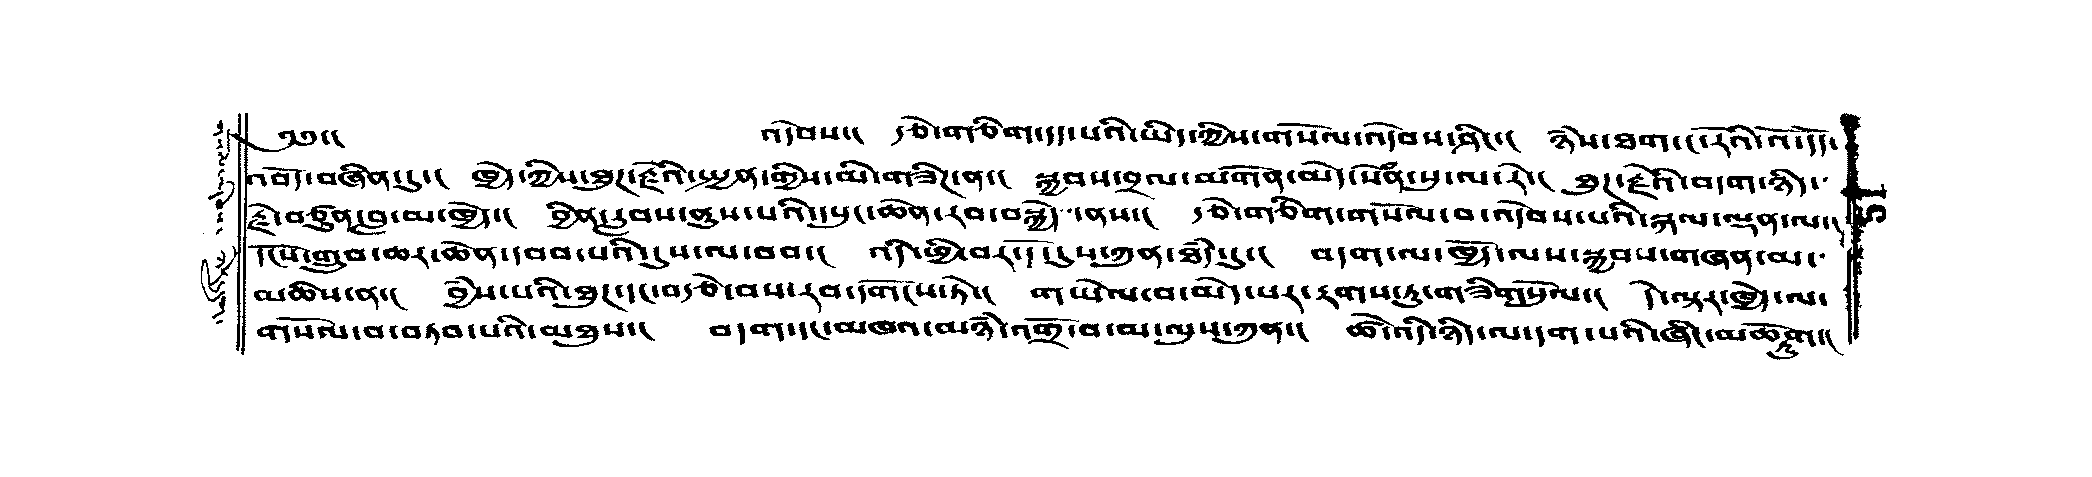འདེབས། །རྩེ་གཅིག་དད་པའི་ཡིད་ཀྱིས་གསོལ་འདེབས་ཤིང་། །ཉམས་ཐག་ང་རོའི་འོ་དོད་
འབོད་བཞིན་དུ། །ཁྱེད་ཀྱིས་ཐུགས་རྗེའི་སྤྱན་གྱིས་མི་གཟིགས་ན། །སྐྱབས་བྲལ་མགོན་མེད་སེམས་ཅན་སུ་ལ་རེ། །ཐུགས་རྗེའི་བདག་ཉིད་
རྗེ་བཙུན་བླ་མ་ཁྱེད། །བྱིན་རླབས་ནུས་པའི་དཔུང་ཆེན་རབ་བསྐྱེད་ནས། །རྩེ་གཅིག་གསོལ་བ་འདེབས་པའི་སྐལ་ལྡན་ལ། །
དངོས་གྲུབ་ཆར་ཆེན་དབབ་པའི་དུས་ལ་བབ། །འདི་ཕྱི་བར་དོ་དུས་ཀུན་ཐམས་ཅད་དུ། །བདག་ལ་ཁྱོད་ལས་སྐྱབས་གཞན་མ་
མཆིས་ན། །བྱམས་པའི་ཐུགས་དང་བརྩེ་བས་རབ་དགོངས་ཏེ། །གཡེལ་བ་མེད་པར་རྟག་ཏུ་གཟིགས་སུ་གསོལ། །དེ་ལྟར་ཁྱེད་ལ་
གསོལ་བ་བཏབ་པའི་མཐུས། །བདག་དང་མཁའ་མཉམ་འགྲོ་བ་མ་ལུས་ཀུན། །ཚེ་འདི་ཉིད་ལ་དག་པའི་ཞིང་མཆོག་ཏུ།